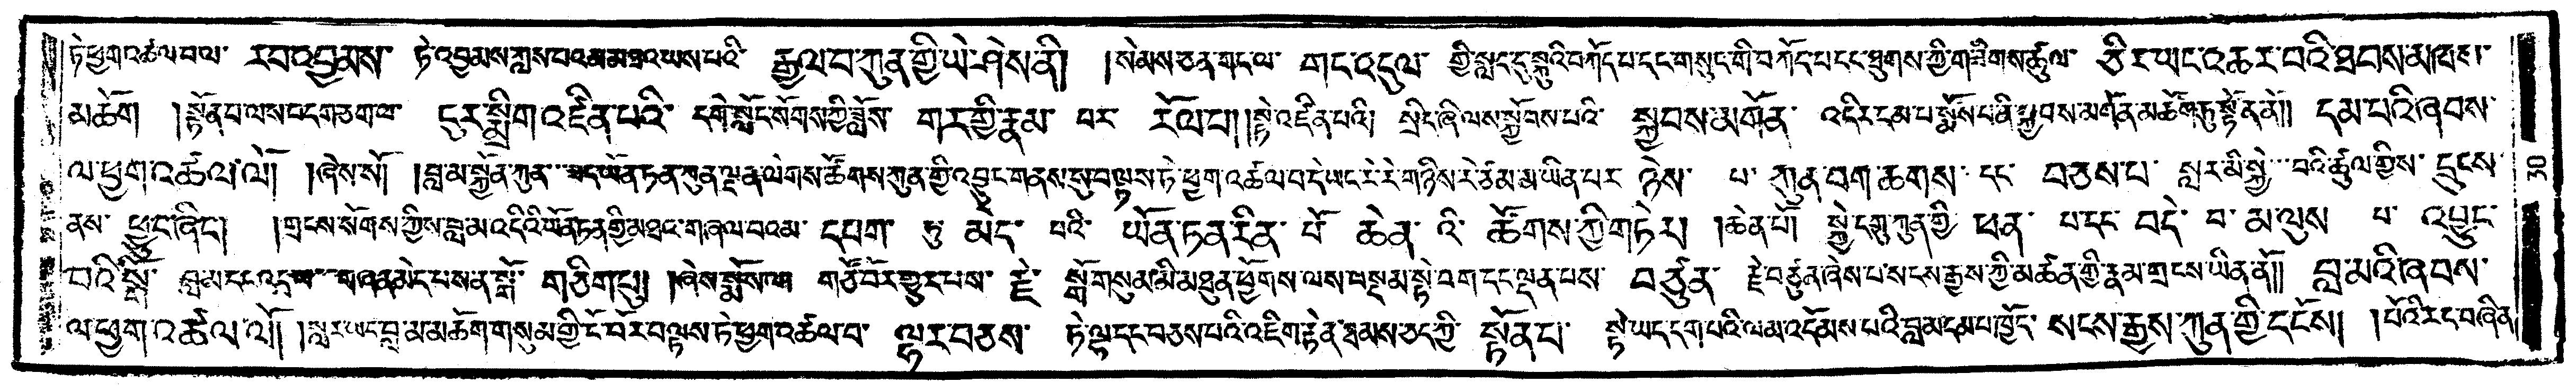ཏེ་ཕྱག་འཚལ་བ་ལ་རབ་འབྱམས་ཏེ་འབྱམས་ཀླས་པའམ་མཐའ་ཡས་པའི་རྒྱལ་བ་ཀུན་གྱི་ཡེ་ཤེས་ནི། །སེམས་ཅན་གང་ལ་གང་འདུལ་གྱི་སླད་དུ་སྐུའི་བཀོད་པ་དང་གསུང་གི་བཀོད་པ་དང་ཐུགས་ཀྱི་གཟིགས་ཚུལ་ཅིར་ཡང་འཆར་བའི་ཐབས་མཁས་
མཆོག །སྟོན་པ་ལས་བདག་ཅག་ལ་ངུར་སྨྲིག་འཛིན་པའི་དགེ་སློང་སོགས་ཀྱི་ཟློས་གར་གྱི་རྣམ་པར་རོལ་པ། །སྟེ་འཛིན་པའི། སྲིད་ཞི་ལས་སྐྱོབས་པའི་སྐྱབས་མགོན་འདིར་དམ་པ་སྨོས་པ་ནི་སྐྱབས་མགོན་མཆོག་ཏུ་སྟོན་ནོ།། དམ་པའི་ཞབས་
ལ་ཕྱག་འཚལ་ལོ། །ཞེས་སོ། །བླ་མ་སྐྱོན་ཀུན་ཟད་ཡོན་ཏན་ཀུན་ལྡན་ལེགས་ཚོགས་ཀུན་གྱི་འབྱུང་གནས་སུ་བལྟས་ཏེ་ཕྱག་འཚལ་བ་དེ་ཡང་རེ་རེ་གཉིས་རེ་ཙམ་མ་ཡིན་པར་ཉེས་པ་ཀུན་བག་ཆགས་དང་བཅས་པ་སླར་མི་སྐྱེ་བའི་ཚུལ་གྱིས་དྲུངས་
ནས་ཕྱུང་ཞིང་། །གྲངས་སོགས་ཀྱིས་བླ་མ་འདིའི་ཡོན་ཏན་གྱི་མཐའ་གཞལ་བའམ་དཔག་ཏུ་མེད་པའི་ཡོན་ཏན་རིན་པོ་ཆེན་འི་ཚོགས་ཀྱི་གཏེར། །ཆེན་པོ། སྐྱེ་དགུ་ཀུན་གྱི་ཕན་པ་དང་བདེ་བ་མ་ལུས་པ་འབྱུང་
བའི་སྒོ་བླ་མ་དང་འདྲ་བ་གཞན་མེད་པས་ན་སྒོ་གཅིག་པུ། །ཞེས་སྨོས་ལ། གཙོ་བོར་གྱུར་པས་རྗེ་སྒོ་གསུམ་མི་མཐུན་ཕྱོགས་ལས་བསྡམ་སྟེ་བག་དང་ལྡན་པས་བཙུན་རྗེ་བཙུན་ཞེས་པ་སངས་རྒྱས་ཀྱི་མཚན་གྱི་རྣམ་གྲངས་ཡིན་ནོ།། བླ་མའི་ཞབས་
ལ་ཕྱག་འཚལ་ལོ། །སླར་ཡང་བླ་མ་མཆོག་གསུམ་གྱི་ངོ་བོར་བལྟས་ཏེ་ཕྱག་འཚལ་བ་ལྷར་བཅས་ཏེ་ལྷ་དང་བཅས་པའི་འཇིག་རྟེན་ཐམས་ཅད་ཀྱི་སྟོན་པ་སྟེ་ཡང་དག་པའི་ལམ་འདོམས་པའི་བླ་མ་དམ་པ་ཁྱོད་སངས་རྒྱས་ཀུན་གྱི་དངོས། །པོའི་རང་བཞིན་